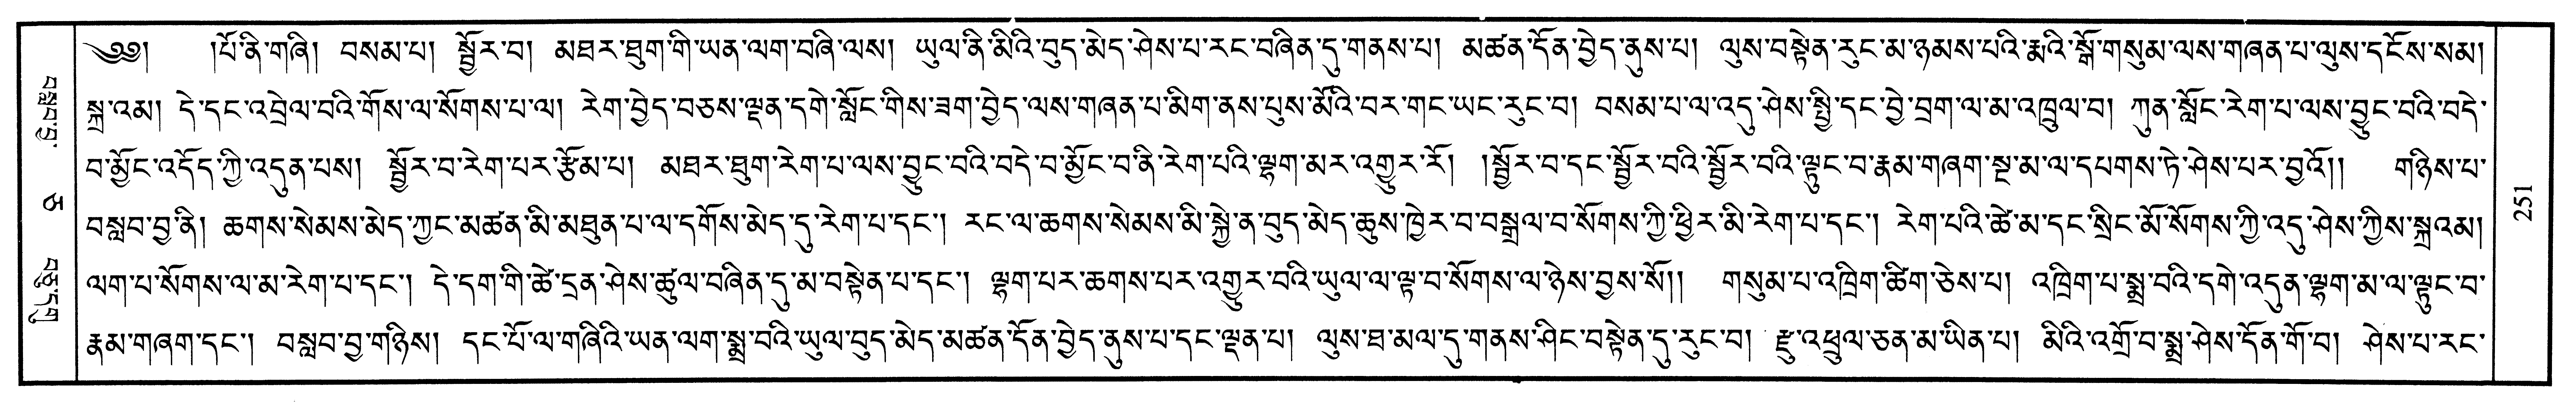༄༅། །པོ་ནི་གཞི། བསམ་པ། སྦྱོར་བ། མཐར་ཐུག་གི་ཡན་ལག་བཞི་ལས། ཡུལ་ནི་མིའི་བུད་མེད་ཤེས་པ་རང་བཞིན་དུ་གནས་པ། མཚན་དོན་བྱེད་ནུས་པ། ལུས་བསྟེན་རུང་མ་ཉམས་པའི་རྨའི་སྒོ་གསུམ་ལས་གཞན་པ་ལུས་དངོས་སམ།
སྐྲའམ། དེ་དང་འབྲེལ་བའི་གོས་ལ་སོགས་པ་ལ། རེག་བྱེད་བཅས་ལྡན་དགེ་སློང་གིས་ཟག་བྱེད་ལས་གཞན་པ་མིག་ནས་པུས་མོའི་བར་གང་ཡང་རུང་བ། བསམ་པ་ལ་འདུ་ཤེས་སྤྱི་དང་བྱེ་བྲག་ལ་མ་འཁྲུལ་བ། ཀུན་སློང་རེག་པ་ལས་བྱུང་བའི་བདེ་
བ་མྱོང་འདོད་ཀྱི་འདུན་པས། སྦྱོར་བ་རེག་པར་རྩོམ་པ། མཐར་ཐུག་རེག་པ་ལས་བྱུང་བའི་བདེ་བ་མྱོང་བ་ནི་རེག་པའི་ལྷག་མར་འགྱུར་རོ། །སྦྱོར་བ་དང་སྦྱོར་བའི་ལྟུང་བ་རྣམ་གཞག་སྔ་མ་ལ་དཔགས་ཏེ་ཤེས་པར་བྱའོ།། གཉིས་པ་
བསླབ་བྱ་ནི། ཆགས་སེམས་མེད་ཀྱང་མཚན་མི་མཐུན་པ་ལ་དགོས་མེད་དུ་རེག་པ་དང་། རང་ལ་ཆགས་སེམས་མི་སྐྱེ་ན་བུད་མེད་ཆུས་ཁྱེར་བ་བསྒྲལ་བ་སོགས་ཀྱི་ཕྱིར་མི་རེག་པ་དང་། རེག་པའི་ཚེ་མ་དང་སྲིང་མོ་སོགས་ཀྱི་འདུ་ཤེས་ཀྱིས་སྐྲའམ།
ལག་པ་སོགས་ལ་མ་རེག་པ་དང་། དེ་དག་གི་ཚེ་དྲན་ཤེས་ཚུལ་བཞིན་དུ་མ་བསྟེན་པ་དང་། ལྷག་པར་ཆགས་པར་འགྱུར་བའི་ཡུལ་ལ་ལྟ་བ་སོགས་ལ་ཉེས་བྱས་སོ།། གསུམ་པ་འཁྲིག་ཚིག་ཅེས་པ། འཁྲིག་པ་སྨྲ་བའི་དགེ་འདུན་ལྷག་མ་ལ་ལྟུང་བ་
རྣམ་གཞག་དང་། བསླབ་བྱ་གཉིས། དང་པོ་ལ་གཞིའི་ཡན་ལག་སྨྲ་བའི་ཡུལ་བུད་མེད་མཚན་དོན་བྱེད་ནུས་པ་དང་ལྡན་པ། ལུས་ཐ་མལ་དུ་གནས་ཤིང་བསྟེན་དུ་རུང་བ། རྫུ་འཕྲུལ་ཅན་མ་ཡིན་པ། མིའི་འགྲོ་བ་སྨྲ་ཤེས་དོན་གོ་བ། ཤེས་པ་རང་